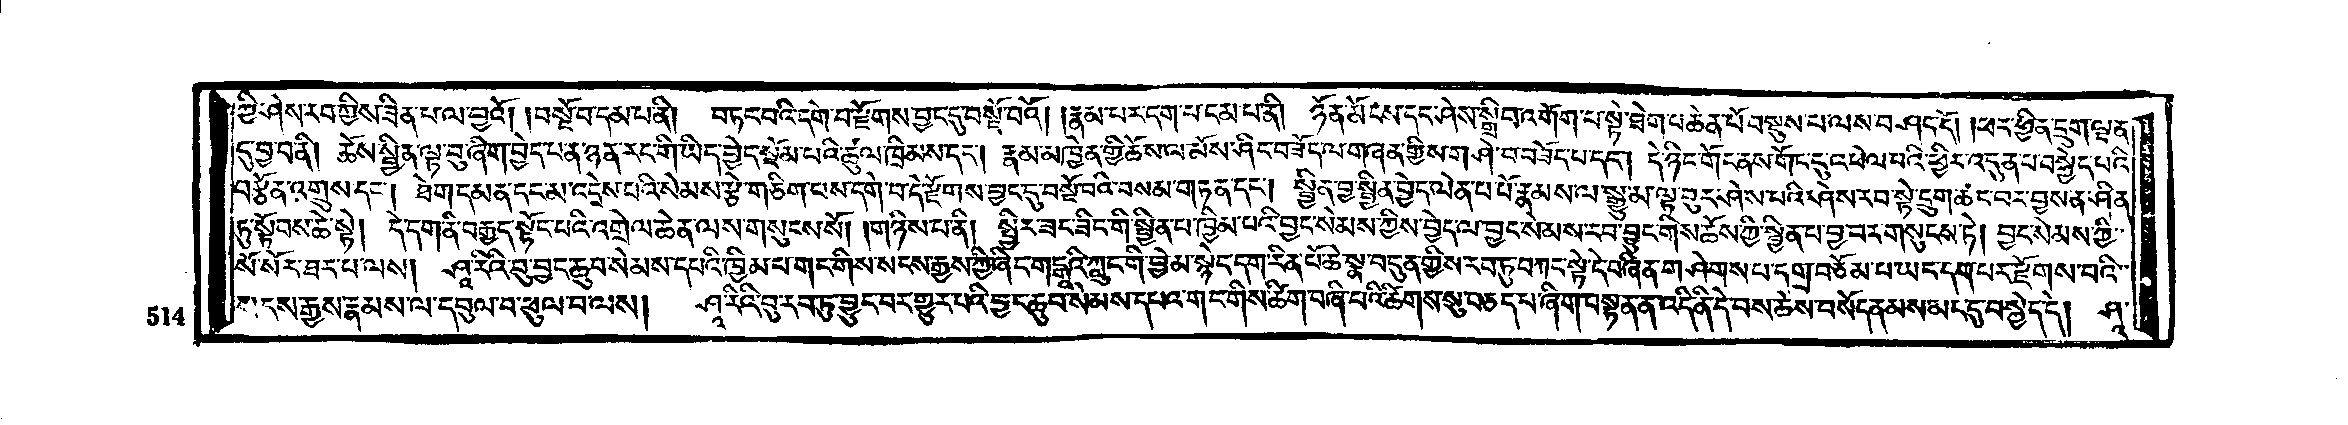ཀྱི་ཤེས་རབ་ཀྱིས་ཟིན་པ་ལ་བྱའོ། །བསྔོ་བ་དམ་པ་ནི། བཏང་བའི་དགེ་བ་རྫོགས་བྱང་དུ་བསྔོ་བའོ། །རྣམ་པར་དག་པ་དམ་པ་ནི། ཉོན་མོངས་དང་ཤེས་སྒྲིབ་འགོག་པ་སྟེ་ཐེག་པ་ཆེན་པོ་བསྡུས་པ་ལས་བཤད་དོ། །ཕར་ཕྱིན་དྲུག་ལྡན་
དུ་བྱ་བ་ནི། ཆོས་སྦྱིན་ལྟ་བུ་ཞིག་བྱེད་པ་ན་ཉན་རང་གི་ཡིད་བྱེད་སྡོམ་པའི་ཚུལ་ཁྲིམས་དང་། རྣམ་མཁྱེན་གྱི་ཆོས་ལ་མོས་ཤིང་བཟོད་ལ་གཞན་གྱིས་གཤེ་བ་བཟོད་པ་དང་། དེ་ཉིད་གོང་ནས་གོང་དུ་འཕེལ་བའི་ཕྱིར་འདུན་པ་བསྐྱེད་པའི་
བརྩོན་འགྲུས་དང་། ཐེག་དམན་དང་མ་འདྲེས་པའི་སེམས་རྩེ་གཅིག་པས་དགེ་བ་དེ་རྫོགས་བྱང་དུ་བསྔོ་བའི་བསམ་གཏན་དང་། སྦྱིན་བྱ་སྦྱིན་བྱེད་ལེན་པ་པོ་རྣམས་ལ་སྒྱུ་མ་ལྟ་བུར་ཤེས་པའི་ཤེས་རབ་སྟེ་དྲུག་ཚང་བར་བྱས་ན་ཤིན་
ཏུ་སྟོབས་ཆེ་སྟེ། དེ་དག་ནི་བརྒྱད་སྟོང་པའི་འགྲེལ་ཆེན་ལས་གསུངས་སོ། །གཉིས་པ་ནི། སྤྱིར་ཟང་ཟིང་གི་སྦྱིན་པ་ཁྱིམ་པའི་བྱང་སེམས་ཀྱིས་བྱེད་ལ་བྱང་སེམས་རབ་བྱུང་གིས་ཆོས་ཀྱི་སྦྱིན་པ་བྱ་བར་གསུངས་ཏེ། བྱང་སེམས་ཀྱི་
སོ་སོར་ཐར་པ་ལས། ཤཱ་རིའི་བུ་བྱང་ཆུབ་སེམས་དཔའི་ཁྱིམ་པ་གང་གིས་སངས་རྒྱས་ཀྱི་ཞིང་གངྒཱའི་ཀླུང་གི་བྱེ་མ་སྙེད་དག་རིན་པོ་ཆེ་སྣ་བདུན་གྱིས་རབ་ཏུ་བཀང་སྟེ་དེ་བཞིན་གཤེགས་པ་དགྲ་བཅོམ་པ་ཡང་དག་པར་རྫོགས་པའི་
སངས་རྒྱས་རྣམས་ལ་དབུལ་བ་ཕུལ་བ་ལས། ཤཱ་རིའི་བུ་རབ་ཏུ་བྱུང་བར་གྱུར་པའི་བྱང་ཆུབ་སེམས་དཔའ་གང་གིས་ཚིག་བཞི་པའི་ཚིགས་སུ་བཅད་པ་ཞིག་བསྟན་ན་འདི་ནི་དེ་བས་ཆེས་བསོད་ནམས་མང་དུ་བསྐྱེད་དེ། ཤཱ་